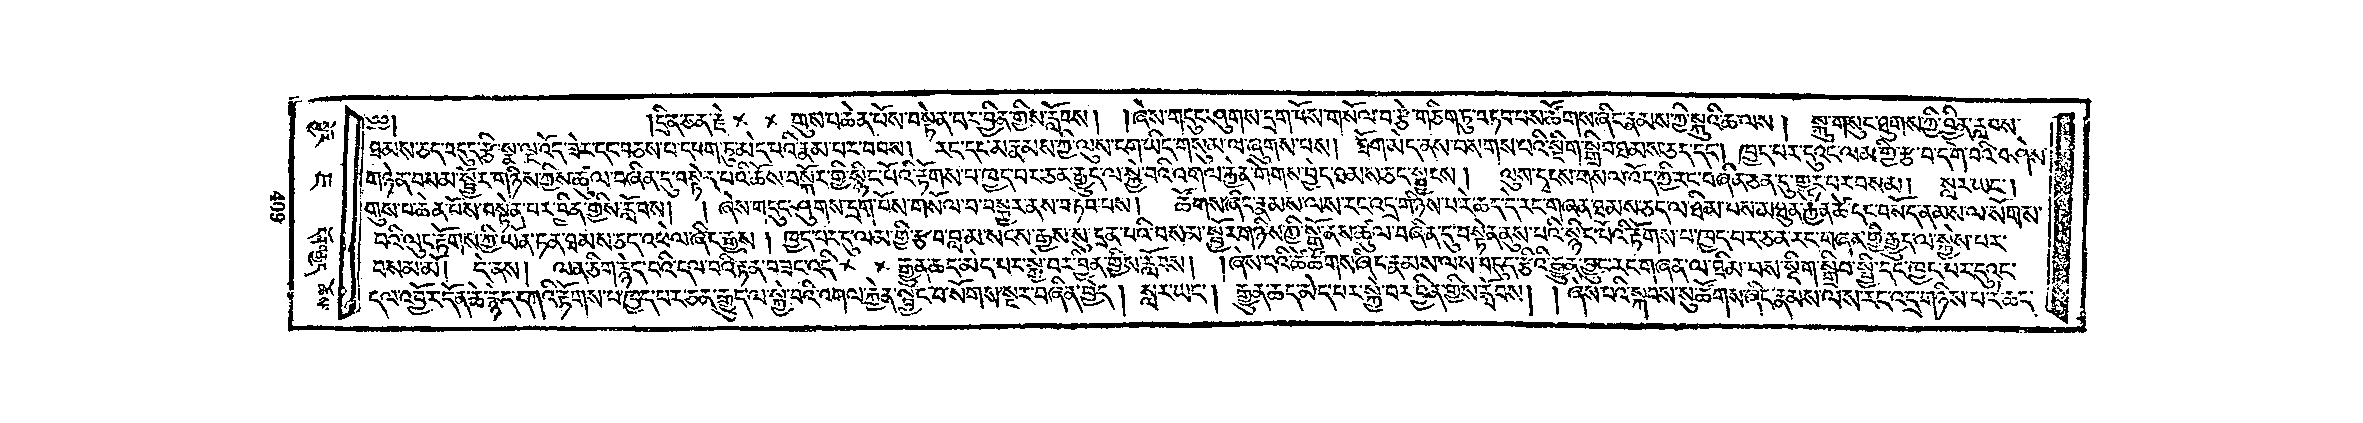༄༅། །དྲིན་ཅན་རྗེ་྾་྾་གུས་པ་ཆེན་པོས་བསྟེན་པར་བྱིན་གྱིས་རློབས། །ཞེས་གདུང་ཤུགས་དྲག་པོས་གསོལ་བ་རྩེ་གཅིག་ཏུ་བཏབ་པས་ཚོགས་ཞིང་རྣམས་ཀྱི་སྐུའི་ཆ་ལས། སྐུ་གསུང་ཐུགས་ཀྱི་བྱིན་རླབས་
ཐམས་ཅད་བདུད་རྩི་སྣ་ལྔ་འོད་ཟེར་དང་བཅས་པ་དཔག་ཏུ་མེད་པའི་རྣམ་པར་བབས། རང་དང་མ་རྣམས་ཀྱི་ལུས་ངག་ཡིད་གསུམ་ལ་ཞུགས་པས། ཐོག་མེད་ནས་བསགས་པའི་སྡིག་སྒྲིབ་ཐམས་ཅད་དང་། ཁྱད་པར་དུའང་ལམ་གྱི་རྩ་བ་དགེ་བའི་བཤེས་
གཉེན་བསམ་སྦྱོར་གཉིས་ཀྱིས་ཚུལ་བཞིན་དུ་བསྟེན་པའི་ཆོས་བསྐོར་གྱི་སྙིང་པོའི་རྟོགས་པ་ཁྱད་པར་ཅན་རྒྱུད་ལ་སྐྱེ་བའི་འགལ་རྐྱེན་གེགས་བྱེད་ཐམས་ཅད་སྦྱངས། ལུས་དྭངས་གསལ་འོད་ཀྱི་རང་བཞིན་ཅན་དུ་གྱུར་པར་བསམ། སླར་ཡང་།
གུས་པ་ཆེན་པོས་བསྟེན་པར་བྱིན་གྱིས་རློབས། །ཞེས་གདུང་ཤུགས་དྲག་པོས་གསོལ་བ་བསྐྱར་ནས་བཏབ་པས། ཚོགས་ཞིང་རྣམས་ལས་རང་འདྲ་གཉིས་པ་རེ་ཆད་དེ་རང་གཞན་ཐམས་ཅད་ལ་ཐིམ་པས་མཐུན་རྐྱེན་ཚེ་དང་བསོད་ནམས་ལ་སོགས་
པའི་ལུང་རྟོགས་ཀྱི་ཡོན་ཏན་ཐམས་ཅད་འཕེལ་ཞིང་རྒྱས། ཁྱད་པར་དུ་ལམ་གྱི་རྩ་བ་བླ་མ་སངས་རྒྱས་སུ་དྲན་པའི་བསམ་སྦྱོར་གཉིས་ཀྱི་སྒོ་ནས་ཚུལ་བཞིན་དུ་བསྟེན་ནུས་པའི་སྙིང་པོའི་རྟོགས་པ་ཁྱད་པར་ཅན་རང་གཞན་གྱི་རྒྱུད་ལ་སྐྱེས་པར་
བསམ་མོ། དེ་ནས། ལན་ཅིག་རྙེད་པའི་དལ་བའི་རྟེན་བཟང་འདི་྾་྾་རྒྱུན་ཆད་མེད་པར་སྐྱེ་བར་བྱིན་གྱིས་རློབས། །ཞེས་པའི་ཚེ་ཚོགས་ཞིང་རྣམས་ལས་བདུད་རྩིའི་རྒྱུན་བྱུང་རང་གཞན་ལ་ཐིམ་པས་སྡིག་སྒྲིབ་སྤྱི་དང་ཁྱད་པར་དུའང་
དལ་འབྱོར་དོན་ཆེ་རྙེད་དཀའི་རྟོགས་པ་ཁྱད་པར་ཅན་རྒྱུད་ལ་སྐྱེ་བའི་འགལ་རྐྱེན་སྦྱོང་བ་སོགས་སྔར་བཞིན་བྱེད། སླར་ཡང་། རྒྱུན་ཆད་མེད་པར་སྐྱེ་བར་བྱིན་གྱིས་རློབས། །ཞེས་པའི་སྐབས་སུ་ཚོགས་ཞིང་རྣམས་ལས་རང་འདྲ་གཉིས་པར་ཆད་